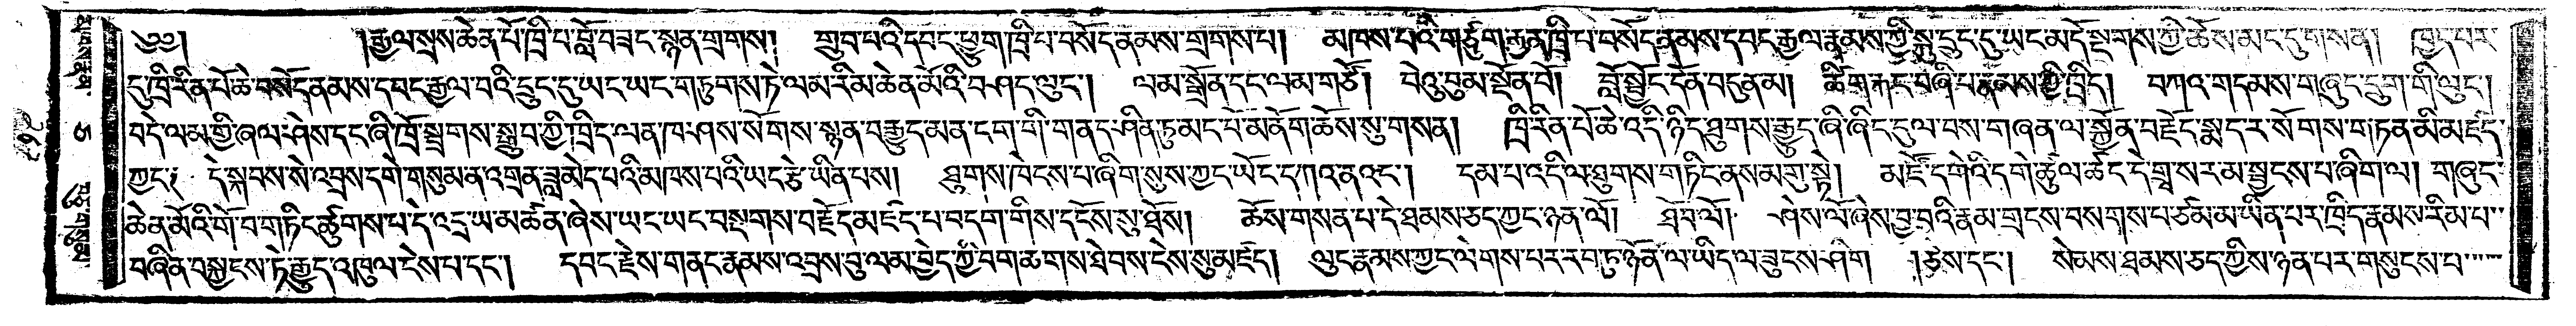༄༅། །རྒྱལ་སྲས་ཆེན་པོ་ཁྲི་པ་བློ་བཟང་སྙན་གྲགས། གྲུབ་པའི་དབང་ཕྱུག་ཁྲི་པ་བསོད་ནམས་གྲགས་པ། མཁས་པའི་གཙུག་རྒྱན་ཁྲི་པ་བསོད་ནམས་དབང་རྒྱལ་རྣམས་ཀྱི་སྐུ་དྲུང་དུ་ཡང་མདོ་སྔགས་ཀྱི་ཆོས་མང་དུ་གསན། ཁྱད་པར་
དུ་ཁྲི་རིན་པོ་ཆེ་བསོད་ནམས་དབང་རྒྱལ་བའི་དྲུང་དུ་ཡང་ཡང་གཏུགས་ཏེ་ལམ་རིན་ཆེན་མོའི་བཤད་ལུང་། ལམ་སྒྲོན་དང་ལམ་གཙོ། བེའུ་བུམ་སྔོན་པོ། བློ་སྦྱོང་དོན་བདུན་མ། ཚིག་རྐང་བཞི་པ་རྣམས་ཀྱི་ཁྲིད། བཀའ་གདམས་གཞུང་དྲུག་གི་ལུང་།
བདེ་ལམ་གྱི་ཞལ་ཤེས་དང་ཞི་ཁྲོ་སྦྲགས་སྒྲུབ་ཀྱི་ཁྲིད་ལན་ཁ་ཤས་སོགས་སྙན་བརྒྱུད་མན་ངག་གི་གནད་ཤིན་ཏུ་མང་པོ་མནོག་ཆོས་སུ་གསན། ཁྲི་རིན་པོ་ཆེ་འདི་ཉིད་ཐུགས་རྒྱུད་ཞི་ཞིང་དུལ་བས་གཞན་ལ་སྐྱོན་བརྗོད་སྨད་ར་སོགས་གཏན་མི་མཛད་
ཀྱང༑ དེ་སྐབས་སེ་འབྲས་དགེ་གསུམ་ན་འགྲན་ཟླ་མེད་པའི་མཁས་པའི་ཡང་རྩེ་ཡིན་པས། ཐུགས་ཁེངས་པ་ཞིག་སུས་ཀྱང་ཡོང་དཀའ་ནའང་། དམ་པ་འདི་ལ་ཐུགས་གཏིང་ནས་མགུ་སྟེ། མཛོ་དགེའི་དགེ་ཚུལ་ཚང་དེ་གྲྭ་སར་མ་སྦྱངས་པ་ཞིག་ལ། གཞུང་
ཆེན་མོའི་གོ་བ་གཏིང་ཚུགས་པ་དེ་འདྲ་ཡ་མཚན་ཞེས་ཡང་ཡང་བསྔགས་བརྗོད་མཛད་པ་བདག་གིས་དངོས་སུ་ཐོས། ཆོས་གསན་པ་དེ་ཐམས་ཅད་ཀྱང་ཉན་ལོ། ཐོབ་ལོ། ཤེས་ལོ་ཞེས་བྱ་བའི་རྣམ་གྲངས་བསགས་པ་ཙམ་མ་ཡིན་པར་ཁྲིད་རྣམས་རིམ་པ་
བཞིན་བསྐྱངས་ཏེ་རྒྱུད་འཁུལ་ངེས་པ་དང་། དབང་རྗེས་གནང་རྣམས་འབྲས་བུ་ལམ་བྱེད་ཀྱི་བག་ཆགས་ཐེབས་ངེས་སུ་མཛད། ལུང་རྣམས་ཀྱང་ལེགས་པར་རབ་ཏུ་ཉོན་ལ་ཡིད་ལ་ཟུངས་ཤིག །ཅེས་དང་། སེམས་ཐམས་ཅད་ཀྱིས་ཉན་པར་གསུངས་པ་